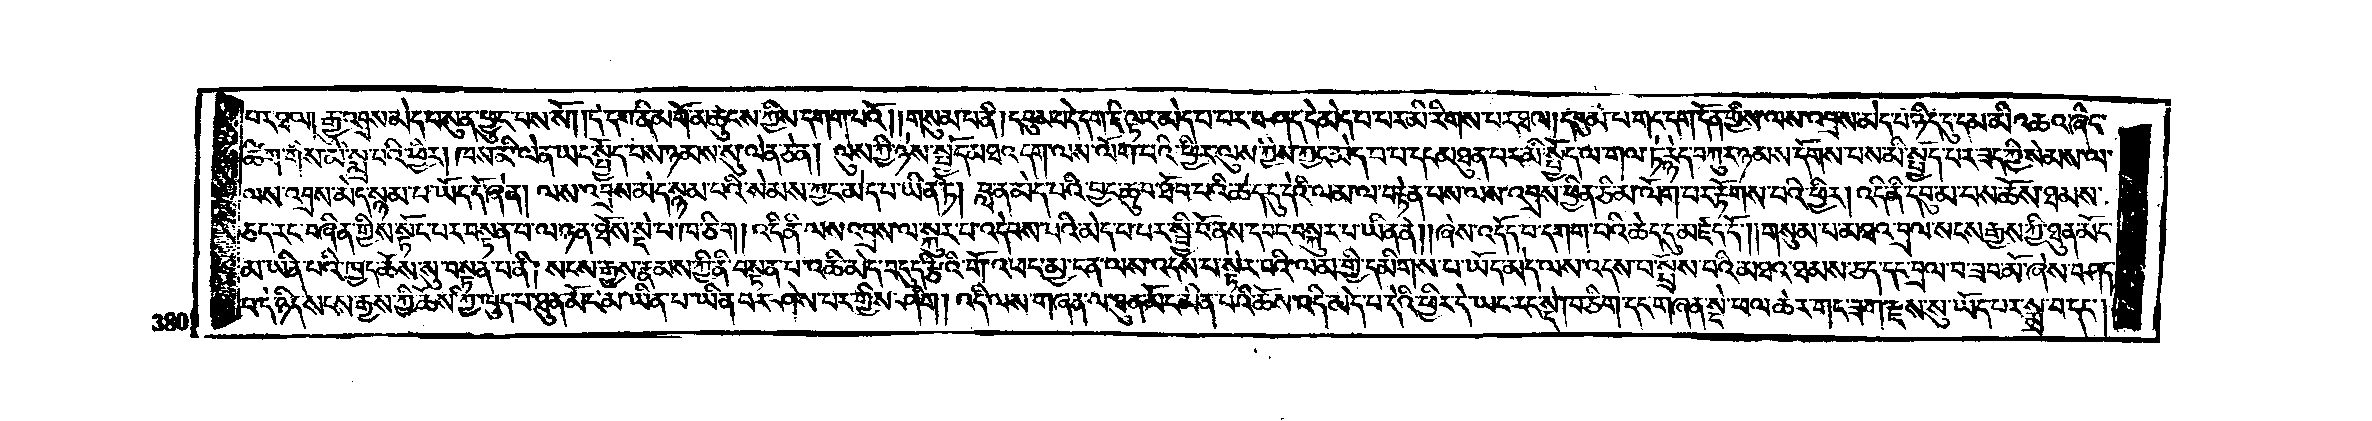པར་ཐལ། རྒྱུ་འབྲས་མེད་པ་སུན་ཕྱུང་པས་སོ། །དེ་དག་ནི་མགོ་མཚུངས་ཀྱིས་དགག་པའོ། །གསུམ་པ་ནི། དབུ་མ་པ་དེ་དག་ཇི་ལྟར་མེད་པ་བར་བཤད་དེ་མེད་པ་བར་མི་རིགས་པར་ཐལ། དབུ་མ་པ་གང་དག་དོན་གྱིས་ལས་འབྲས་མེད་པ་ཉིད་དུ་དམ་མི་འཆའ་ཞིང་
ཚིག་གིས་མི་སྨྲ་བའི་ཕྱིར། ཁས་མི་ལེན་ཡང་སྤྱོད་པས་ཉམས་སུ་ལེན་ཅེ་ན། ལུས་ཀྱི་ཉེས་སྤྱོད་མཐའ་དག་ལས་ལོག་པའི་ཕྱིར་ལུས་ཀྱིས་ཀྱང་མེད་པ་བ་དང་མཐུན་པར་མི་སྤྱོད་ལ་གལ་ཏེ་རྙེད་བཀུར་ཉམས་དགོས་པས་མི་སྤྱོད་པར་ཟད་ཀྱི་སེམས་ལ་
ལས་འབྲས་མེད་སྙམ་པ་ཡོད་དོ་ཞེ་ན། ལས་འབྲས་མེད་སྙམ་པའི་སེམས་ཀྱང་མེད་པ་ཡིན་ཏེ། བླ་ན་མེད་པའི་བྱང་ཆུབ་ཐོབ་པའི་ཆེད་དུ་དེའི་ལམ་ལ་བརྟེན་པས་ལས་འབྲས་ཕྱིན་ཅི་མ་ལོག་པར་རྟོགས་པའི་ཕྱིར། འདི་ནི་དབུ་མ་པས་ཆོས་ཐམས་
ཅད་རང་བཞིན་གྱིས་སྟོང་པར་བསྟན་པ་ལ་ཉན་ཐོས་སྡེ་པ་ཁ་ཅིག །འདི་ནི་ལས་འབྲས་ལ་སྐུར་བ་འདེབས་པའི་མེད་པ་བར་སྤྱི་བོ་ནས་དབང་བསྐུར་བ་ཡིན་ནོ། །ཞེས་འདོད་པ་དགག་པའི་ཆེད་དུ་མཛད་དོ། །གསུམ་པ་མཐའ་བྲལ་སངས་རྒྱས་ཀྱི་ཐུན་མོང་
མ་ཡིན་པའི་ཁྱད་ཆོས་སུ་བསྟན་པ་ནི། སངས་རྒྱས་རྣམས་ཀྱི་ནི་བསྟན་པ་འཆི་མེད་བདུད་རྩིའི་གོ་འཕང་མྱ་ངན་ལས་འདས་པ་སྟེར་བའི་ལམ་གྱི་དམིགས་པ་ཡོད་མེད་ལས་འདས་པ་སྤྲོས་པའི་མཐའ་ཐམས་ཅད་དང་བྲལ་བ་ཟབ་མོ་ཞེས་བཤད་
པ་དེ་ཉིད་སངས་རྒྱས་ཀྱི་ཆོས་ཀྱི་ཁུད་པ་ཐུན་མོང་མ་ཡིན་པ་ཡིན་པར་ཤེས་པར་གྱིས་ཤིག །འདི་ལས་གཞན་ལ་ཐུན་མོང་མིན་པའི་ཆོས་འདི་མེད་པ་དེའི་ཕྱིར་དེ་ཡང་རང་སྡེ་ཁ་ཅིག་དང་གཞན་སྡེ་ཕལ་ཆེར་གང་ཟག་རྫས་སུ་ཡོད་པར་སྨྲ་བ་དང་།